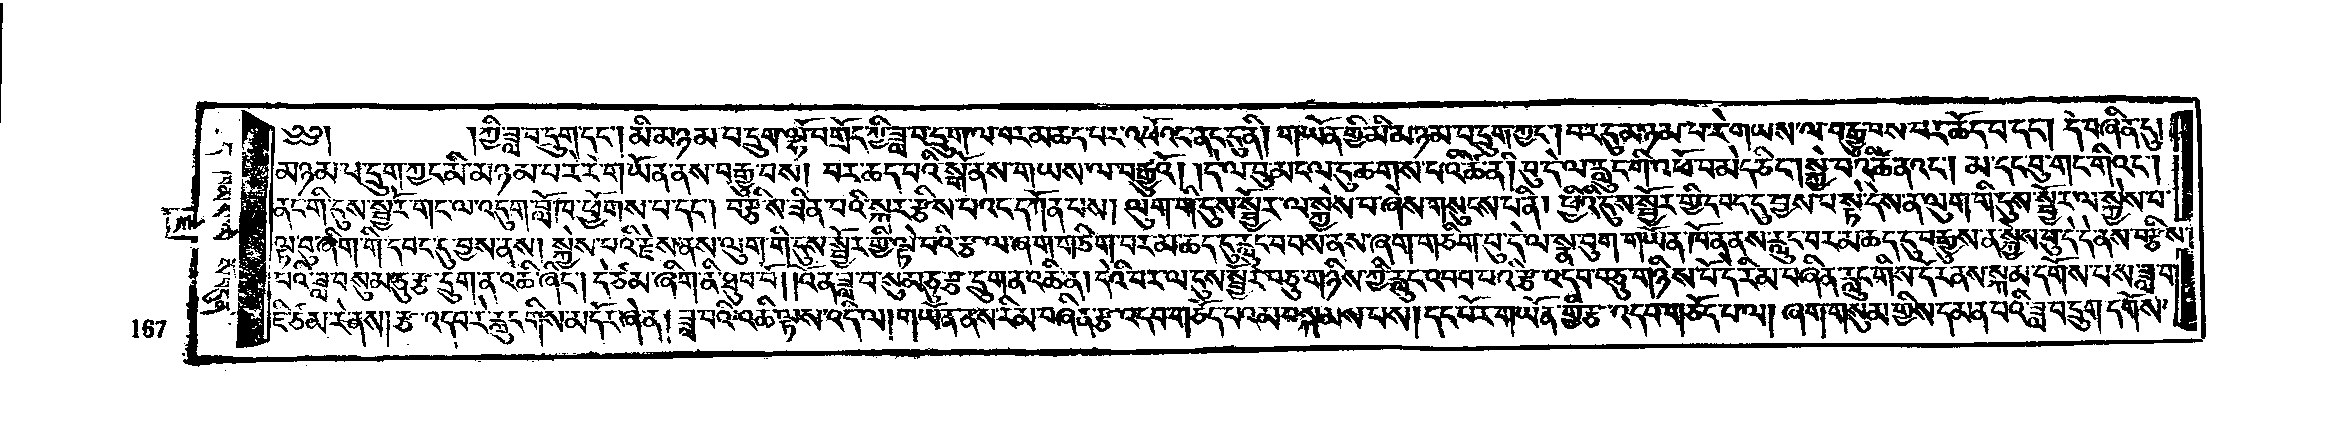༄༅། །ཀྱི་ཟླ་བ་དྲུག་དང་། མི་མཉམ་པ་དྲུག་ལྷོ་བགྲོད་ཀྱི་ཟླ་བ་དྲུག་ལ་བར་མ་ཆད་པར་འཕོའང་ནང་དུ་ནི། གཡོན་གྱི་མི་མཉམ་པ་དྲུག་ཀྱང་། བར་དུ་མཉམ་པ་རེ་གཡས་ལ་བརྒྱུ་བས་བར་ཆོད་པ་དང་། དེ་བཞིན་དུ།
མཉམ་པ་དྲུག་ཀྱང་མི་མཉམ་པ་རེ་རེ་གཡོན་ནས་བརྒྱུ་བས། བར་ཆད་པའི་སྒོ་ནས་གཡས་ལ་བརྒྱུའོ། །དེ་ལ་བུ་མངལ་དུ་ཆགས་པའི་ཚེ་ནི། བུ་དེ་ལ་རླུང་གི་འཕོ་བ་མེད་ཅིང་། སྐྱེ་བའི་ཚེ་ནའང་། མ་དང་བུ་གང་གིའང་།
ནང་གི་དུས་སྦྱོར་གང་ལ་འདུག་བློ་ཁ་ཕྱོགས་པ་དང་། བརྩིས་ཟིན་པའི་སྐར་རྩིས་པའང་དཀོན་པས། ལུག་གི་དུས་སྦྱོར་ལ་སྐྱེས་པ་ཞེས་གསུངས་པ་ནི། ཕྱིའི་དུས་སྦྱོར་གྱི་དབང་དུ་བྱས་པ་སྟེ་དེས་ན་ལུག་གི་དུས་སྦྱོར་ལ་སྐྱེས་པ་
ལྟ་བུ་ཞིག་གི་དབང་དུ་བྱས་ནས། སྐྱེས་པའི་རྗེས་ནས་ལུག་གི་དུས་སྦྱོར་གྱི་ལྟེ་བའི་རྩ་ལ་ཞག་གཅིག་བར་མ་ཆད་དུ་རླུང་བབས་ནས་ཞག་གཅིག་པུ་དེ་ལ་སྣ་བུག་གཡོན་ཁོ་ན་ནས་རླུང་བར་མ་ཆད་དུ་བརྒྱུས་ན་སྐྱེས་བུ་དེ་དེ་ནས་བརྩིས་
པའི་ཟླ་བ་སུམ་ཅུ་རྩ་དྲུག་ན་འཆི་ཞིང་། དེ་ཙམ་ཞིག་ནི་ཐུབ་བོ། །འོ་ན་ཟླ་བ་སུམ་ཅུ་རྩ་དྲུག་ན་འཆི་ན། དེའི་བར་ལ་དུས་སྦྱོར་བཅུ་གཉིས་ཀྱི་རླུང་འབབ་པའི་རྩི་འདབ་བཅུ་གཉིས་པོ་དེ་རིམ་བཞིན་རླུང་གིས་དོར་ནས་སྐམ་དགོས་པས་ཟླ་བ་
ཇི་ཙམ་རེ་ནས། རྩ་འདབ་རེ་རླུང་གིས་མདོར་ཞེ་ན། ཟླ་བའི་འཆི་ལྟས་འདི་ལ། གཡོན་ནས་རིམ་བཞིན་རྩ་འདབ་གཅོད་པའམ་བསྐམས་པས། དང་པོར་གཡོན་གྱི་རྩ་འདབ་གཅོད་པ་ལ། ཞག་གསུམ་གྱིས་དམན་པའི་ཟླ་བ་དྲུག་དགོས་